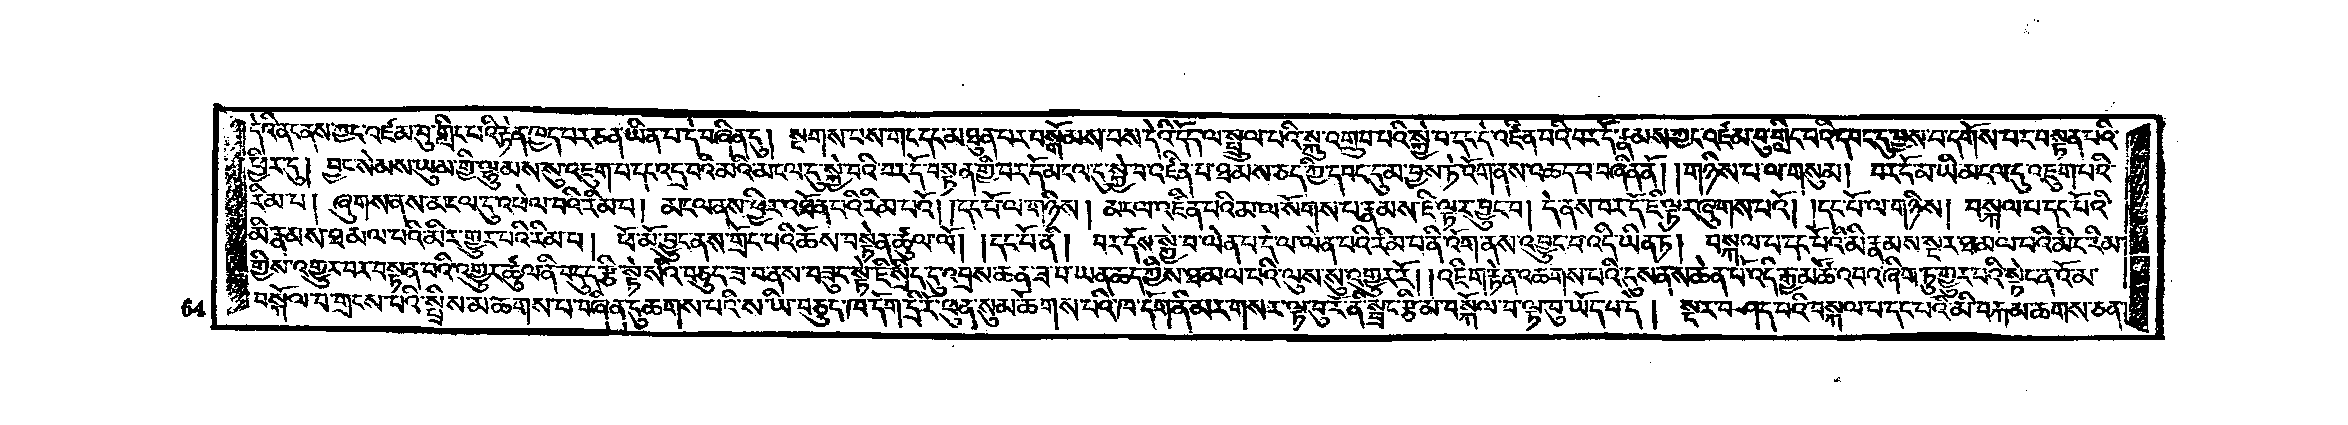དེའི་ནང་ནས་ཀྱང་འཛམ་བུ་གླིང་པའི་རྟེན་ཁྱད་པར་ཅན་ཡིན་པ་དེ་བཞིན་དུ། སྔགས་པས་གང་དང་མཐུན་པར་བསྒོམས་པས་དེའི་དོད་ལ་སྤྲུལ་པའི་སྐུ་འགྲུབ་པའི་སྐྱེ་བ་དང་དེ་འཛིན་པའི་བར་དོ་རྣམས་ཀྱང་འཛམ་བུ་གླིང་པའི་དབང་དུ་བྱས་པ་དགོས་པར་བསྟན་པའི་
ཕྱིར་དུ། བྱང་སེམས་ཡུམ་གྱི་ལྷུམས་སུ་འཇུག་པ་དང་འདྲ་བའི་མའི་མངལ་དུ་སྐྱེ་བའི་བར་དོ་བསྟན་གྱི་བར་དོ་མངལ་དུ་སྐྱེ་བ་འཛིན་པ་ཐམས་ཅད་ཀྱི་དབང་དུ་མ་བྱས་ཏེ་འོག་ནས་འཆད་པ་བཞིན་ནོ། །གཉིས་པ་ལ་གསུམ། བར་དོ་མ་ཡི་མངལ་དུ་འཇུག་པའི་
རིམ་པ། ཞུགས་ནས་མངལ་དུ་འཕེལ་བའི་རིམ་པ། མངལ་ནས་ཕྱིར་འཐེན་པའི་རིམ་པའོ། །དང་པོ་ལ་གཉིས། མངལ་འཛིན་པའི་མ་ལ་སོགས་པ་རྣམས་ཇི་ལྟར་བྱུང་བ། དེ་ནས་བར་དོ་ཇི་ལྟར་ཞུགས་པའོ། །དང་པོ་ལ་གཉིས། བསྐལ་པ་དང་པོའི་
མི་རྣམས་ཐ་མལ་པའི་མིར་གྱུར་པའི་རིམ་པ། ཕོ་མོ་བྱུང་ནས་གྲོང་པའི་ཆོས་བསྟེན་ཚུལ་ལོ། །དང་པོ་ནི། བར་དོས་སྐྱེ་བ་ལེན་པ་དེ་ལ་ལེན་པའི་རིམ་པ་ནི་འོག་ནས་འབྱུང་བ་འདི་ཡིན་ཏེ། བསྐལ་པ་དང་པོའི་མི་རྣམས་སྔར་ཐ་མལ་པའི་མིང་རིམ་
གྱིས་འགྱུར་བར་བསྟན་པའི་འགྱུར་ཚུལ་ནི་བདུད་རྩི་སྟེ་སའི་བཅུད་ཟ་བ་ནས་བཟུང་སྟེ་ཇི་སྲིད་དུ་འབྲས་ཆན་ཟ་བ་ཡན་ཆད་ཀྱིས་ཐ་མལ་པའི་ལུས་སུ་འགྱུར་རོ། །འཇིག་རྟེན་འཆགས་པའི་དུས་ན་ས་ཆེན་པོ་འདི་རྒྱ་མཚོ་འབའ་ཞིག་ཏུ་གྱུར་པའི་སྟེང་ན་འོ་མ་
བསྐོལ་བ་གྲངས་པའི་སྤྲིས་མ་ཆགས་པ་བཞིན་དུ་ཆགས་པའི་ས་ཡི་བཅུད་ཁ་དོག་དྲི་རོ་ཕུན་སུམ་ཚོགས་པའི་ཁ་དོག་ནི་མར་གསར་ལྟ་བུ་རོ་ནི་སྦྲང་རྩི་མ་བསྐོལ་བ་ལྟ་བུ་ཡོད་པ་དེ། སྔར་བཤད་པའི་བསྐལ་པ་དང་པོའི་མི་བརྐམ་ཆགས་ཅན་